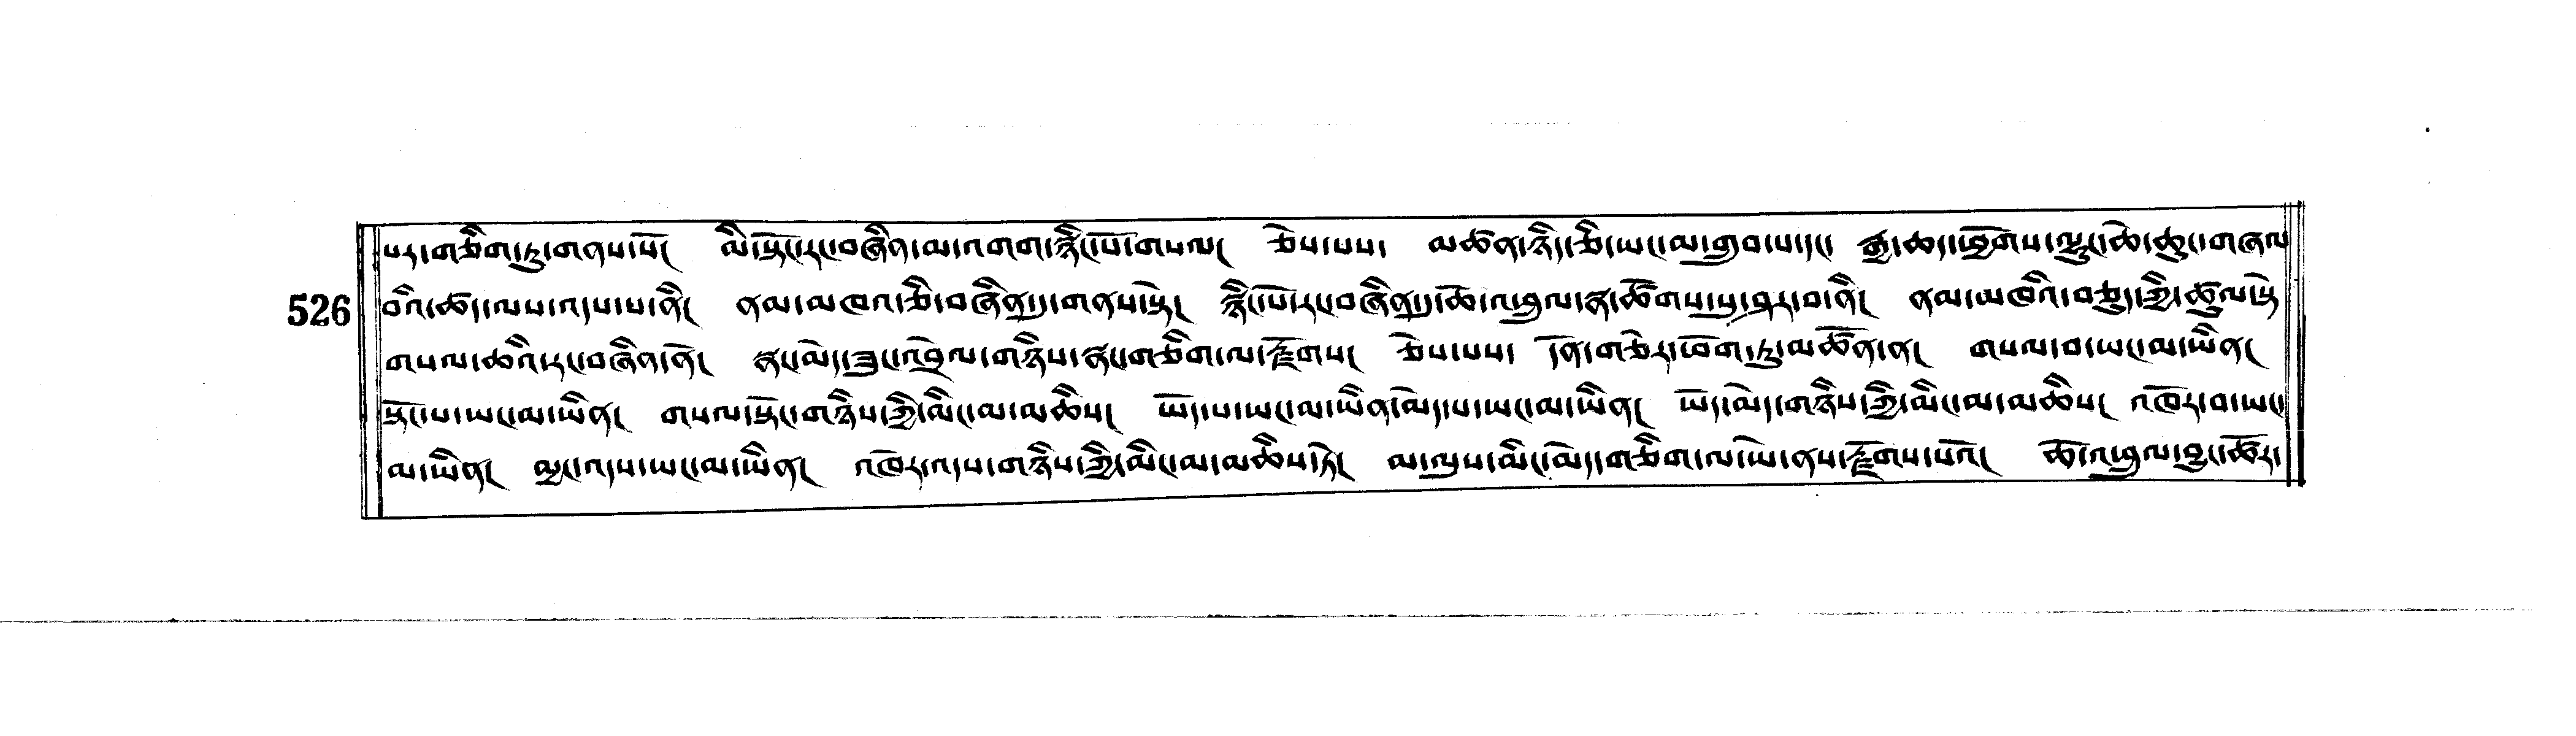པར་གཅིག་ཏུ་གནས་སོ། མི་སྟོང་རང་བཞིན་མ་འགག་སྙིང་པོ་གསལ། ཅེས་པས། མཚན་ཉིད་ཅི་ཡང་མ་གྲུབ་པ་དང་། རྒྱ་ཆད་ཕྱོགས་ལྷུང་ཆེ་ཆུང་གཞལ་
བའི་ཚད་ལས་འདས་པ་ནི། ནམ་མཁའ་ཅི་བཞིན་དུ་གནས་ཏེ། སྙིང་པོ་རང་བཞིན་དུ་ཆོ་འཕྲུལ་སྣ་ཚོགས་སུ་ཤར་བ་ནི། ནམ་མཁའི་བཅུད་ཀྱི་ཚུལ་ཏེ་
གསལ་ཆེའི་རང་བཞིན་ནོ། སྣང་མེད་ཟུང་འབྲེལ་གཉིས་སྣང་གཅིག་ལ་རྫོགས། ཅེས་པས། དོན་གཅེར་ཕོག་ཏུ་མཚོན་ན། གསལ་བ་ཡང་མ་ཡིན། 
སྟོང་པ་ཡང་མ་ཡིན། གསལ་སྟོང་གཉིས་ཀྱི་མིང་མ་མཆིས། ཡོད་པ་ཡང་མ་ཡིན་མེད་པ་ཡང་མ་མཆིས། འཁོར་བ་ཡང་
མ་ཡིན། མྱང་འདས་ཡང་མ་ཡིན། འཁོར་འདས་གཉིས་ཀྱི་མིང་མ་མཆིས་ཏེ། མ་ལུས་མིང་མེད་གཅིག་ལ་ཡེ་ནས་རྫོགས་པའོ། ཆོ་འཕྲུལ་བྱུང་ཚོར་